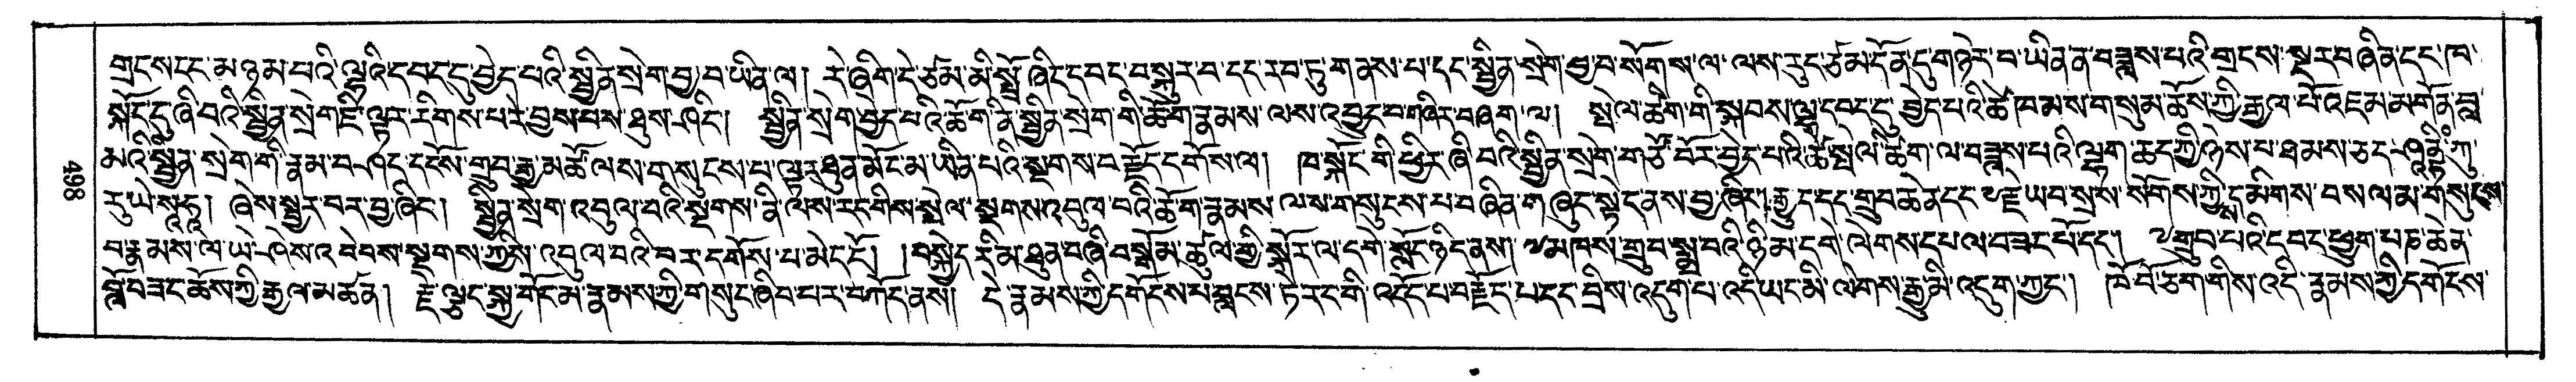གྲངས་དང་མཉམ་པའི་ལྷའི་དབང་དུ་བྱེད་པའི་སྦྱིན་སྲེག་བྱ་བ་ཡིན་ལ། རེ་ཞིག་དེ་ཙམ་མི་སྤྲོ་ཞིང་དབང་བསྐུར་བ་དང་རབ་ཏུ་གནས་པ་དང་སྦྱན་སྲེག་བྱ་བ་སོགས་ལ་ལས་རུང་ཙམ་དོན་དུ་གཉེར་བ་ཡིན་ན་བཟླས་པའི་གྲངས་སྔར་བཞིན་དང་ཁ་
སྐོང་དུ་ཞི་བའི་སྦྱིན་སྲེག་ཇི་ལྟར་རིགས་པ་རེ་བྱས་པས་ཐུས་ཤིང་། སྦྱིན་སྲེག་བྱེད་པའི་ཆོ་ག་ནི་སྦྱིན་སྲེག་གི་ཆོ་ག་རྣམས་ལས་འབྱུང་བ་སོར་བཞག་ལ། སྦེལ་ཚིག་གི་སྐབས་ལྷ་དབང་དུ་བྱེད་བའི་ཚེ་ཁམས་གསུམ་ཆོས་ཀྱི་རྒྱལ་པོ་འཇམ་མགོན་བླ་
མའི་སྦྱིན་སྲེག་གི་རྣམ་བཤད་དངོས་གྲུབ་རྒྱ་མཚོ་ལས་གསུངས་པ་ལྟར་ཐུན་མོང་མ་ཡིན་པའི་སྔགས་བརྗོད་དགོས་ལ། ཁ་སྐོང་གི་ཕྱིར་ཞི་བའི་སྦྱིན་སྲེག་གཙོ་བོར་བྱེད་པའི་ཚེ་སྤེལ་ཚིག་ལ་བཟླས་པའི་ལྷག་ཆད་ཀྱི་ཉེས་པ་ཐམས་ཅད་ཤཱཎྟིཾ་ཀུ་
རུ་ཡེ་སྭཱཧཱ། ཞེས་སྦྱར་བར་བྱ་ཞིང་། སྦྱིན་སྲེག་འབུལ་བའི་སྔགས་ནི་རང་རང་གི་བསྲེག་བླུགས་འབུལ་བའི་ཆོ་ག་རྣམས་ལས་གསུངས་པ་བཞིན་གཞུང་སྟེང་ནས་བྱ་ཡི། རྒྱུད་དང་གྲུབ་ཆེན་དང་༈ རྗེ་ཡབ་སྲས་སོགས་ཀྱི་དམིགས་བསལ་མ་གསུངས་
བ་རྣམས་ལ་ཡེ་ཤེས་འབེབས་སྔགས་ཀྱིས་འབུལ་བའི་བར་སྐབས་པ་མད་དོ། །བསྐྱེད་རིམ་ཐུན་བཞིར་སྒོམ་ཚུལ་གྱི་སྐོར་ལ་དགེ་སློང་ཉིད་ནས། ༈ མཁས་གྲུབ་སྨྲ་བའི་ཉི་མ་དགེ་ལེགས་དཔལ་བཟང་པོ་དང་། ༈ གྲུབ་པའི་དབང་ཕྱུག་པཎ་ཆེན་
བློ་བཟང་ཆོས་ཀྱི་རྒྱལ་མཚན། རྗེ་ལྕང་སྐྱ་གོང་མ་རྣམས་ཀྱི་གསུང་ཞིབ་པར་བཀོད་ནས། དེ་རྣམས་ཀྱི་དགོངས་པ་བླངས་གི་འདོད་པ་བརྗོད་པའང་བྲིས་འདུག་པ་འདི་འང་མི་ལེགས་རྒྱུ་མི་འདུག་ཀྱང་། ཁོ་བོ་ཅག་གིས་འདི་རྣམས་ཀྱི་དགོང་